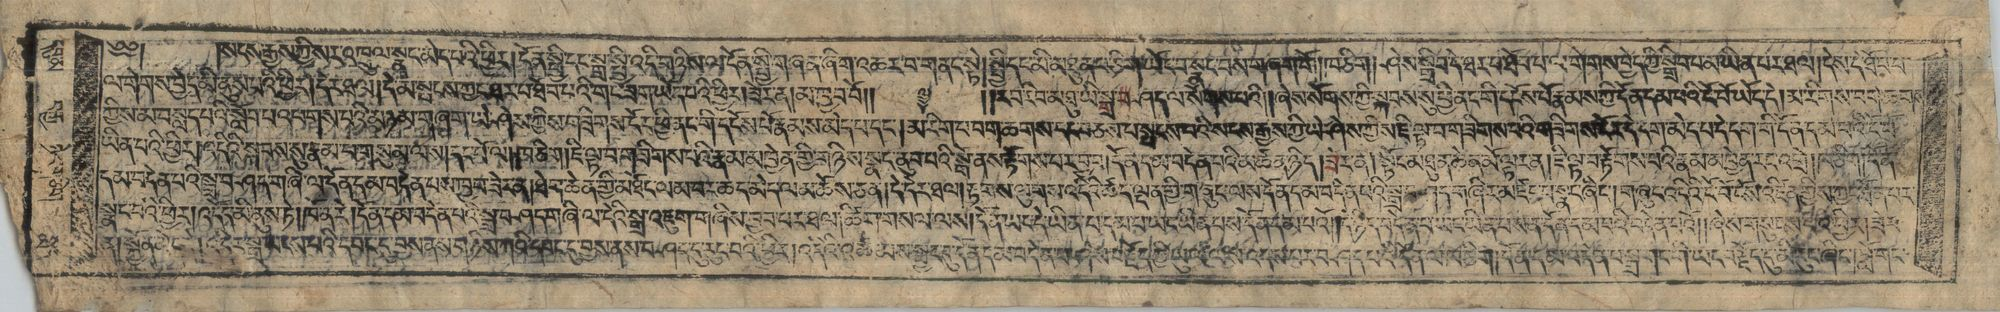༄༅། །སངས་རྒྱས་ཀྱི་སར་འཁྲུལ་སྣང་མེད་པའི་ཕྱིར། དོན་སྤྱི་དང་སྒྲ་སྤྱི་འདི་གཉིས་ལ་དོན་སྤྱི་གཞན་ཞིག་འཆར་བ་གནང་སྟེ། སྤྱི་དང་མི་མཐུན་པ་ཅིག་ཡོད་པ་སྣང་བས་གཞག་གོ ། ཁ་ཅིག །ཤེས་སྒྲིབ་དེ་ཐར་པ་ཐོབ་པ་ལ་གེགས་བྱེད་ཀྱི་སྒྲིབ་པ་མ་ཡིན་པར་ཐལ། དེས་དེ་ཐོབ་པ་
ལ་གེགས་བྱེད་མི་ནུས་པའི་ཕྱིར། དེར་ཐལ། དེ་མ་སྤངས་ཀྱང་ཐར་པ་ཐོབ་པའི་གང་ཟག་ཡོད་པའི་ཕྱིར། ཟེར་ན། མ་ཁྱབ་བོ།། ༈ །།རབ་རིབ་མཐུ་ཡི་སྐྲ་ཤད་ལ་སོགས་པའི། །ཞེས་སོགས་ཀྱི་སྐབས་སུ་ཕྱི་ནང་གི་དངོས་པོ་རྣམས་ཀྱི་དོན་དམ་པའི་ངོ་བོ་ཡོད་དེ། མ་རིགས་བག་ཆགས་
ཀྱིས་མ་བསླད་པའི་སློབ་པ་འཕགས་པའི་མཉམ་གཞག་ཡེ་ཤེས་ཀྱིས་གཟིགས་ངོར་ཕྱི་ནང་གི་དངོས་པོ་རྣམས་མེད་པ་དང་། མ་རིག་པ་བག་ཆགས་དང་བཅས་པ་སྤངས་པའི་སངས་རྒྱས་ཀྱི་ཡེ་ཤེས་ཀྱིས་ཇི་ལྟ་བ་གཟིགས་པའི་གཟིགས་ངོར་དེ་དག་མེད་པ་དེ་དག་གི་དོན་དམ་པའི་ངོ་བོ་
ཡིན་པའི་ཕྱིར། འདིའི་སྐབས་སུ་རྣམ་པ་གསུམ་ལས། དང་པོ་ལ། ཁ་ཅིག །ཇི་ལྟ་བ་གཟིགས་པའི་རྣམ་མཁྱེན་གྱི་གཉིས་སྣང་ནུབ་པའི་སྒོ་ནས་རྟོགས་པར་བྱ་བ། དོན་དམ་བདེན་པའི་མཚན་ཉིད། ཟེར་ན། སྟོང་མཐུན་ཆེན་མོ་ལྟར་ན། ཇི་ལྟ་བ་རྟོགས་པའི་རྣམ་མཁྱེན་རང་འགྲེ། ཁ་ཅིག །དོན་
དམ་བདེན་པའི་སྒྲ་བཤད་གཞི་ལ་དོན་དམ་བདེན་པས་ཁྱབ་ཟེར་ན། ཐེག་ཆེན་གྱི་མཐོང་ལམ་བར་ཆད་མེད་ལམ་ཆོས་ཅན། དེ་དེར་ཐལ། རྟགས་ལུགས་འདིའི་ཚད་ལྡན་གྱི་གཞུང་ལས་དོན་དམ་བདེན་པའི་སྒྲ་བཤད་གཞིར་མཛད་པ་སྣང་ཞིང་། གཞུང་འདིའི་ངོ་བོ་ངོས་འཛིན་གྱིས་ཀྱང་ཐོན་པར་
སྣང་བའི་ཕྱིར། འདོད་མི་ནུས་ཏེ། ཁོ་ན་རེ། དོན་དམ་བདེན་པའི་སྒྲ་བཤད་གཞི་ལ་དེའི་སྒྲ་འཇུག་གཞིསྑྱབ་?་པར་ཐལ། ཚིག་གསལ་ལས། དོན་ཡང་དེ་ཡིན་པ་དམ་པ་ཡང་ཡིན་པས་དོན་དམ་པའོ། དེ་ཉིད་བདེན་པ་ཡང་ཡིན་པས་ན་དོན་དམ་པའི་བདེན་པའོ། །ཞེས་གསུངས་པའི་ཕྱིར། ཟེར་
ན། སྐྱོན་མེད་དེ། འདིར་སྒྲ་ཡངས་པའི་དབང་དུ་བྱས་ནས་གཉིས་ཀའི་དབང་དུ་བྱས་ནས་བཤད་དུ་རུང་བའི་ཕྱིར། འདིའི་འཚམས་སྦྱར་དུ་དོན་དམ་བདེན་པ་ཤེས་བརྗོད་ཀྱི་ཡུལ་ལས་འདས་བར་བཤད་པའི་དོན་ལ་ཁ་ཅིག །དོན་དམ་བདེན་པ་སྒྲ་གང་གི་ཡང་བརྗོད་དུ་མི་རུང་ཞིང་། བློ་གང་